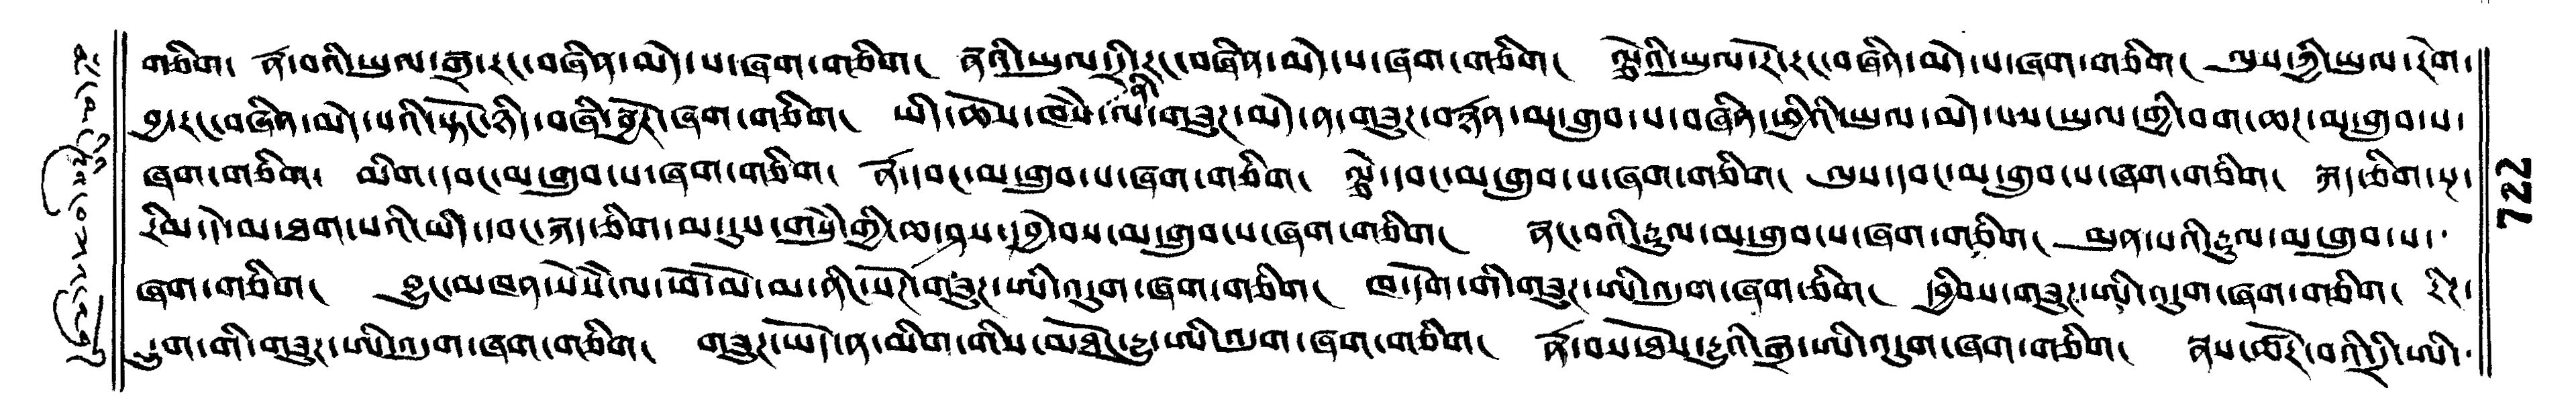གཅིག རྣ་བའི་ཡུལ་སྒྲ་རང་བཞིན་མེད་པ་ཞག་གཅིག སྣའི་ཡུལ་དྲི་རང་བཞིན་མེད་པ་ཞག་གཅིག ལྕེའི་ཡུལ་རོ་རང་བཞིན་མེད་ཞག་གཅིག ལུས་ཀྱི་ཡུལ་རེག་
བྱ་རང་བཞིན་མེད་པའི་སྟོང་ཉིད་བཞི་སྦྱོར་ཞག་གཅིག ཡིད་ཆོས་ཁམས་ལ་གཟུགས་མེད་ན་གཟུགས་བརྙན་མ་གྲུབ་པ་བཞིན་ཕྱིའི་ཡུལ་མེད་པས་ཡུལ་གྱི་བག་ཆགས་མ་གྲུབ་པ་
ཞག་གཅིག མིག་དབང་མ་གྲུབ་པ་ཞག་གཅིག རྣ་དབང་མ་གྲུབ་པ་ཞག་གཅིག ལྕེ་དབང་མ་གྲུབ་པ་ཞག་གཅིག ལུས་དབང་མ་གྲུབ་པ་ཞག་གཅིག སྐད་ཅིག་སྔ་
རིམ་དེ་མ་ཐག་པའི་ཡིད་དབང་སྐད་ཅིག་མ་དུས་གསུམ་གྱི་ཆ་ཤས་དབྱེ་བས་མ་གྲུབ་པ་ཞག་གཅིག སྣང་བའི་རྡུལ་མ་གྲུབ་པ་ཞག་གཅིག མུན་པའི་རྡུལ་མ་གྲུབ་པ་
ཞག་གཅིག བྱུང་མཁན་སེམས་ལ་ཕོ་མོ་མ་ནིང་སོགས་གཟུགས་ཨི་འདུག་ཞག་གཅིག ཁ་དོག་གི་གཟུགས་ཨི་འདུག་ཞག་ཅིགདབྱིབས་གཟུགས་ཨི་འདུག་ཞག་གཅིག རིགས་
དྲུག་གི་གཟུགས་ཨི་འདུག་ཞག་གཅིག གཟུགས་ཡོད་ན་མིག་གིས་མཐོང་རྒྱུ་ཨི་འདུག་ཞག་གཅིག རྣ་བས་ཐོས་རྒྱུའི་སྒྲ་ཨི་འདུག་ཞག་གཅིག སྣས་ཚོར་བའི་དྲི་ཨི་